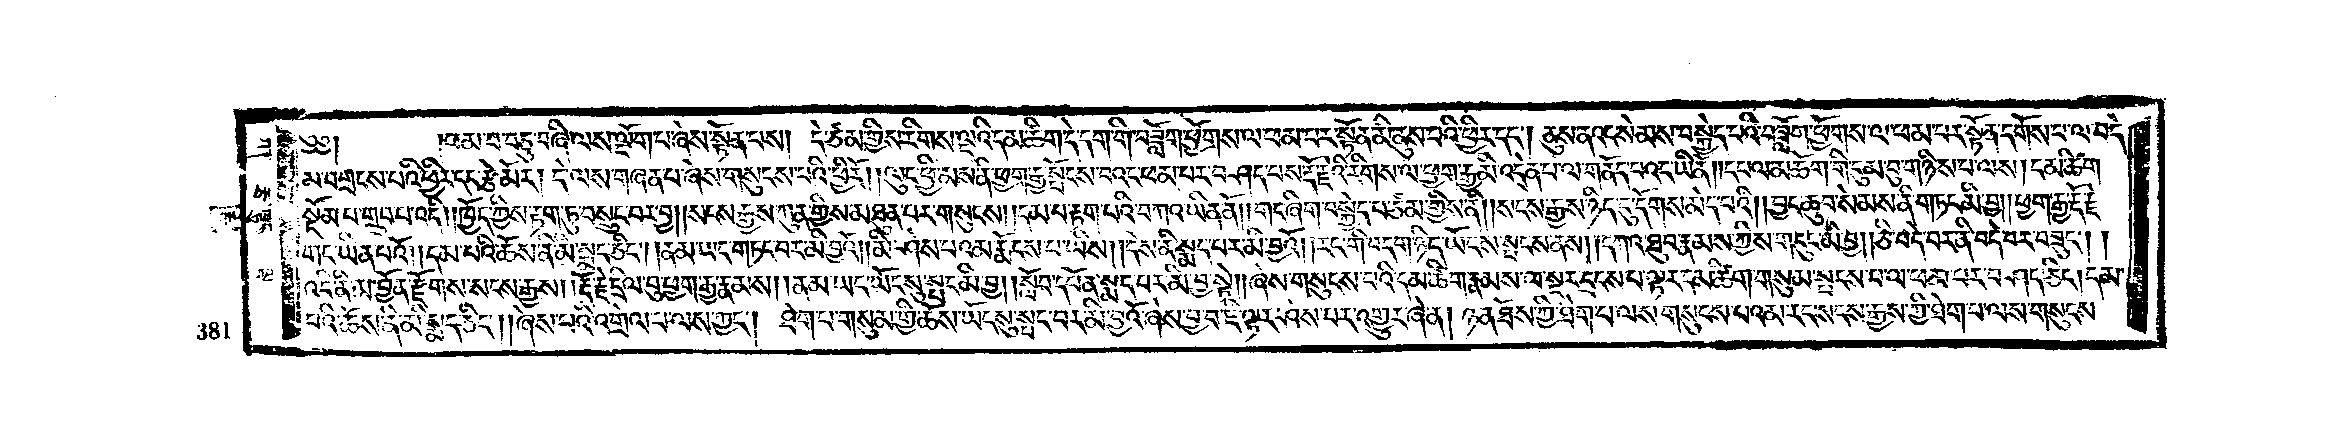༄༅། །ཕམ་པ་བཅུ་བཞི་ལས་ལྡོག་པ་ཞེས་སྟོན་པས། དེ་ཙམ་གྱིས་རིགས་ལྔའི་དམ་ཚིག་དེ་དག་གི་བཟློག་ཕྱོགས་ལ་ཕམ་པར་སྟོན་མི་ནུས་པའི་ཕྱིར་དང་། ནུས་ནའང་སེམས་བསྐྱེད་པའི་བཟློག་ཕྱོགས་ལ་ཕམ་པར་སྟོན་དགོས་པ་ལ་བདེ་
མ་བགྲངས་པའི་ཕྱིར་དང་རྩེ་མོར། དེ་ལས་གཞན་པ་ཞེས་གསུངས་པའི་ཕྱིར་རོ། །ལུང་ཕྱི་མས་ནི་ཕྱག་རྒྱ་སྤོངས་བའང་ཕམ་པར་བཤད་པས་རྡོ་རྗེའི་རིགས་ལ་ཕྱག་རྒྱ་མི་འདྲེན་པ་ལ་གནོད་པའང་ཡིན། །དཔལ་མཆོག་གི་དུམ་བུ་གཉིས་པ་ལས། དམ་ཚིག་
སྡོམ་པ་གྲུབ་པ་འདི། །ཁྱོད་ཀྱིས་རྟག་ཏུ་བསྲུང་བར་བྱ། །སངས་རྒྱས་ཀུན་གྱིས་མཐུན་པར་གསུངས། །དམ་པ་རྟག་པའི་བཀའ་ཡིན་ནོ། །གང་ཞིག་བསྐྱེད་པ་ཙམ་གྱིས་ནི། །སངས་རྒྱས་ཉིད་དུ་དོགས་མེད་པའི། །བྱང་ཆུབ་སེམས་ནི་གཏང་མི་བྱ། །ཕྱག་རྒྱ་རྡོ་རྗེ་
གང་ཡིན་པའོ། །དམ་པའི་ཆོས་ནི་མི་སྨད་ཅིང་། །ནམ་ཡང་གཏང་བར་མི་བྱའོ། །མི་ཤེས་པའམ་རྨོངས་པ་ཡིས། །དེས་ནི་སྨད་པར་མི་བྱའོ། །རང་གི་བདག་ཉིད་ཡོངས་སྤངས་ནས། །དཀའ་ཐུབ་རྣམས་ཀྱིས་གདུང་མི་བྱ། །ཅི་བདེ་བར་ནི་བདེ་བར་བཟུང་། །
འདི་ནི་མ་བྱོན་རྫོགས་སངས་རྒྱས། །རྡོ་རྗེ་དྲིལ་བུ་ཕྱག་རྒྱ་རྣམས། །ནམ་ཡང་ཡོངས་སུ་སྤང་མི་བྱ། །སློབ་དཔོན་སྨད་པར་མི་བྱ་སྟེ། །ཞེས་གསུངས་པའི་དམ་ཚིག་རྣམས་ལ་སྔར་དྲངས་པ་ལྟར་དམ་ཚིག་གསུམ་སྤངས་པ་ལ་ཕམ་པར་བཤད་ཅིང་། དམ་
པའི་ཆོས་ནི་མི་སྨད་ཅིང་། །ཞེས་པའི་འགྲེལ་པ་ལས་ཀྱང་། ཐེག་པ་གསུམ་གྱི་ཆོས་ཡོངས་སུ་སྤང་བར་མི་བྱའོ་ཞེས་བྱ་བ་ཇི་ལྟར་ཤེས་པར་འགྱུར་ཞེ་ན། ཉན་ཐོས་ཀྱི་ཐེག་པ་ལས་གསུངས་པའམ་རང་སངས་རྒྱས་ཀྱི་ཐེག་པ་ལས་གསུངས་